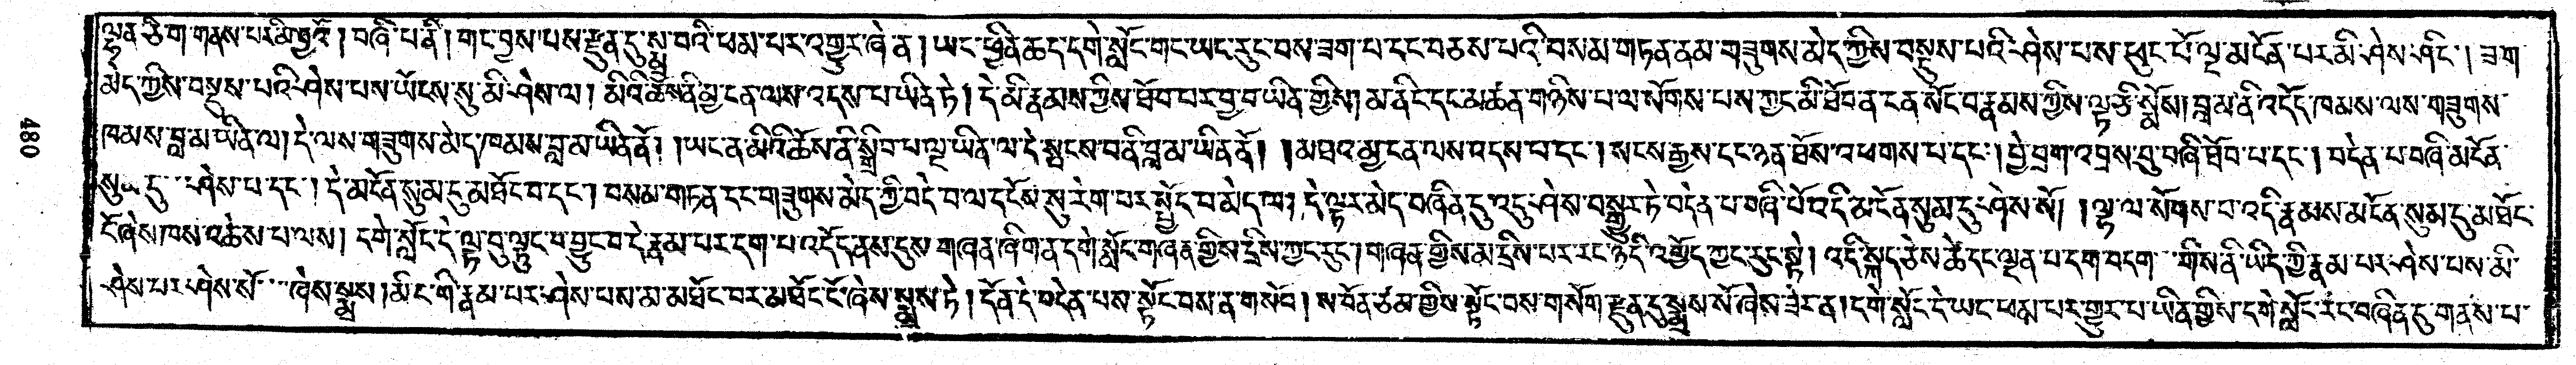ལྷན་ཅིག་གནས་པར་མི་བྱའོ། བཞི་པ་ནི། གང་བྱས་པས་རྫུན་དུ་སྨྲ་བའི་ཕམ་པར་འགྱུར་ཞེ་ན། ཡང་ཕྱིན་ཆད་དགེ་སློང་གང་ཡང་རུང་བས་ཟག་པ་དང་བཅས་པའི་བསམ་གཏན་ནམ་གཟུགས་མེད་ཀྱིས་བསྡུས་པའི་ཤེས་པས་ཕུང་པོ་ལྔ་མངོན་པར་མི་ཤེས་ཤིང་། ཟག་
མེད་ཀྱིས་བསྡུས་པའི་ཤེས་པས་ཡོངས་སུ་མི་ཤེས་ལ། མིའི་ཆོས་ནི་མྱ་ངན་ལས་འདས་པ་ཡིན་ཏེ། དེ་མི་རྣམས་ཀྱིས་ཐོབ་པར་བྱ་བ་ཡིན་གྱིས། མ་ནིང་དང་མཚན་གཉིས་པ་ལ་སོགས་པས་ཀྱང་མི་ཐོབ་ན་ངན་སོང་བ་རྣམས་ཀྱིས་ལྟ་ཅི་སྨོས། བླ་མ་ནི་འདོད་ཁམས་ལས་གཟུགས་
ཁམས་བླ་མ་ཡིན་ལ། དེ་ལས་གཟུགས་མེད་ཁམས་བླ་མ་ཡིན་ནོ། །ཡང་ན་མིའི་ཆོས་ནི་སྒྲིབ་པ་ལྔ་ཡིན་ལ་དེ་སྤངས་བ་ནི་བླ་མ་ཡིན་ནོ། །མཐའ་མྱ་ངན་ལས་འདས་པ་དང་། སངས་རྒྱས་དང་ཉན་ཐོས་འཕགས་པ་དང་།བྱེ་བྲག་འབྲས་བུ་བཞི་ཐོབ་པ་དང་། བདེན་པ་བཞི་མངོན་
སུམ་དུ་ཤེས་པ་དང་།དེ་མངོན་སུམ་དུ་མཐོང་བ་དང་། བསམ་གཏན་དང་གཟུགས་མེད་ཀྱི་བདེ་བ་ལ་དངོས་སུ་རེག་པར་སྤྱོད་བ་མེད་ལ། དེ་ལྟར་མེད་བཞིན་དུ་འདུ་ཤེས་བསྒྱུར་ཏེ་བདེན་པ་བཞི་པོ་འདི་མངོན་སུམ་དུ་ཤེས་སོ། །ལྷ་ལ་སོགས་པ་འདི་རྣམས་མངོན་སུམ་དུ་མཐོང་
ངོ་ཞེས་ཁས་འཆེས་པ་ལས། དགེ་སློང་དེ་ལྟ་བུ་ལྟུང་བ་བྱུང་བ་དེ་རྣམ་པར་དག་པ་འདོད་ནས་དུས་གཞན་ཞིག་ན་དགེ་སློང་གཞན་གྱིས་དྲིས་ཀྱང་རུང་། གཞན་གྱིས་མ་དྲིས་པར་རང་ཉིད་འགྱོད་ཀྱང་རུང་སྟེ། འདི་སྐད་ཅེས་ཚེ་དང་ལྡན་པ་དག་བདག་གིས་ནི་ཡིད་ཀྱི་རྣམ་པར་ཤེས་པས་མི་
ཤེས་པར་ཤེས་སོ་ཞེས་སྨྲས་།མིང་གི་རྣམ་པར་ཤེས་པས་མ་མཐོང་བར་མཐོང་ངོ་ཞེས་སྨྲས་ཏེ། དོན་དེ་བདེན་པས་སྟོང་བས་ན་གསོབ། ས་བོན་ཙམ་གྱིས་སྟོང་བས་གསོག་རྫུན་དུ་སྨྲས་སོ་ཞེས་ཟེར་ན། དགེ་སློང་དེ་ཡང་ཕམ་པར་པར་གྱུར་པ་ཡིན་གྱིས་དགེ་སློང་རང་བཞིན་དུ་གནས་པ་